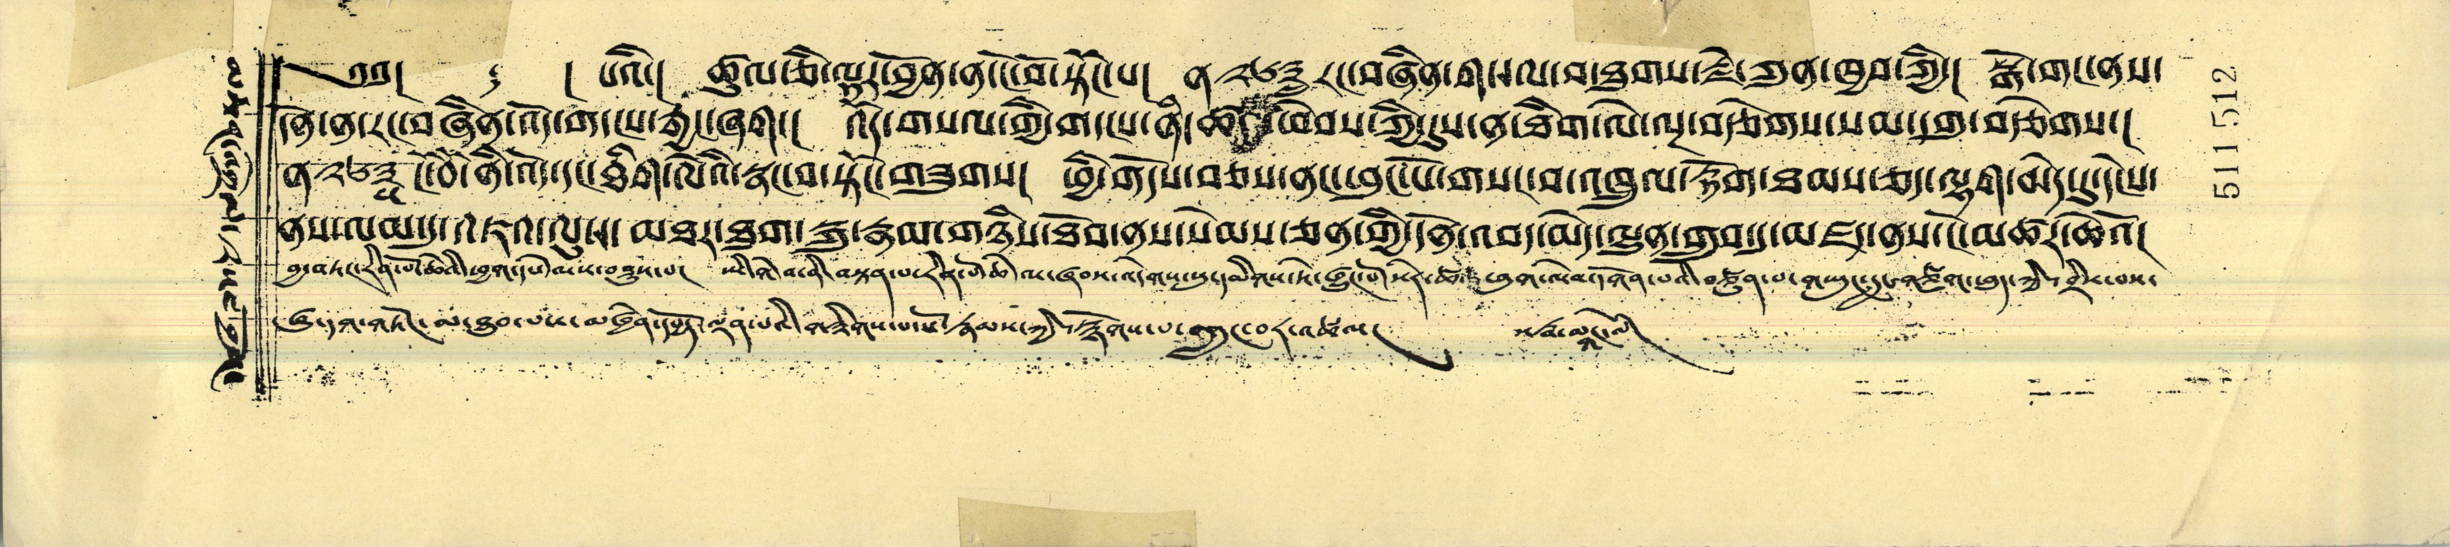པའི། ཚུལ་ཅི་ལྟར་བྱོན་ན་ངོ་བོ་སྟོང་པ། ན༢༦༣།༤རང་བཞིན་གསལ་བ་ཐུགས་རྗེ་ཀུན་ཁྱབ་ཀྱི་ སྒོ་གང་ནས་
དོན་ན་རང་བཞིན་འོད་གདངས་རྒྱང་ཞགས་ འོད་གསལ་གྱི་གདངས་ནི་ཚད་ཕེབས་ཀྱི་དུས་ན་ཐིག་ལེ་ལྔ་བརྩེགས་སམ་དགུ་བརྩེགས། 
ན༢༦༣།༥ ངོ་བོནི་འོད་དང་ཐིག་ལེའིསྣང་བ་སྟོང་གཟུགས། ཕྱི་གདོས་བཅས་ནང་ཕུང་པོ་གསང་བ་འཁྲུལ་རྟོག་ཐམས་ཅད་ལྷག་མེད་དུ་དེངས་
ནས་ལམ་དུ་འཇའ་ལུས་ མཐར་ཐུག་སྐུ་རྣམ་གཉིས་ཐོབ་ནས་སེམས་ཅན་གྱི་དོན་འབད་མེད་ལྷུན་གྲུབ་ཏུ་མཛད་ནས་ངོ་མཚར་ཆེའོ།། །།
བྱ་བཏང་རིན་པོ་ཆེའི་ཕྱག་དཔེ་ལས་བཤུས་པ། ཡི་གེ་བ་ནི་བསྟན་པ་རིན་པོ་ཆེ་ལ་ཞབས་འདེགས་སུ་དམིགས་ཏེ་ཁྱུང་པོ་སེར་ཚ་ཕུག་ལེབ་དགོན་པའི་བཙུན་པ་གཡུང་དྲུང་གཙུག་ཕུད་ཀྱིས་བྲིས་པས་
ཞུ་དག་གཏོང་མ་ཐུབ་པས་མཁྱེན་དཔྱོད་ལྡན་པའི་གཟིགས་པ་པོ་རྣམས་ཀྱིས་རྙོགས་པ་བགྲུང་བར་འཚལ། །སརྦ་མངྒ་ལམ། །